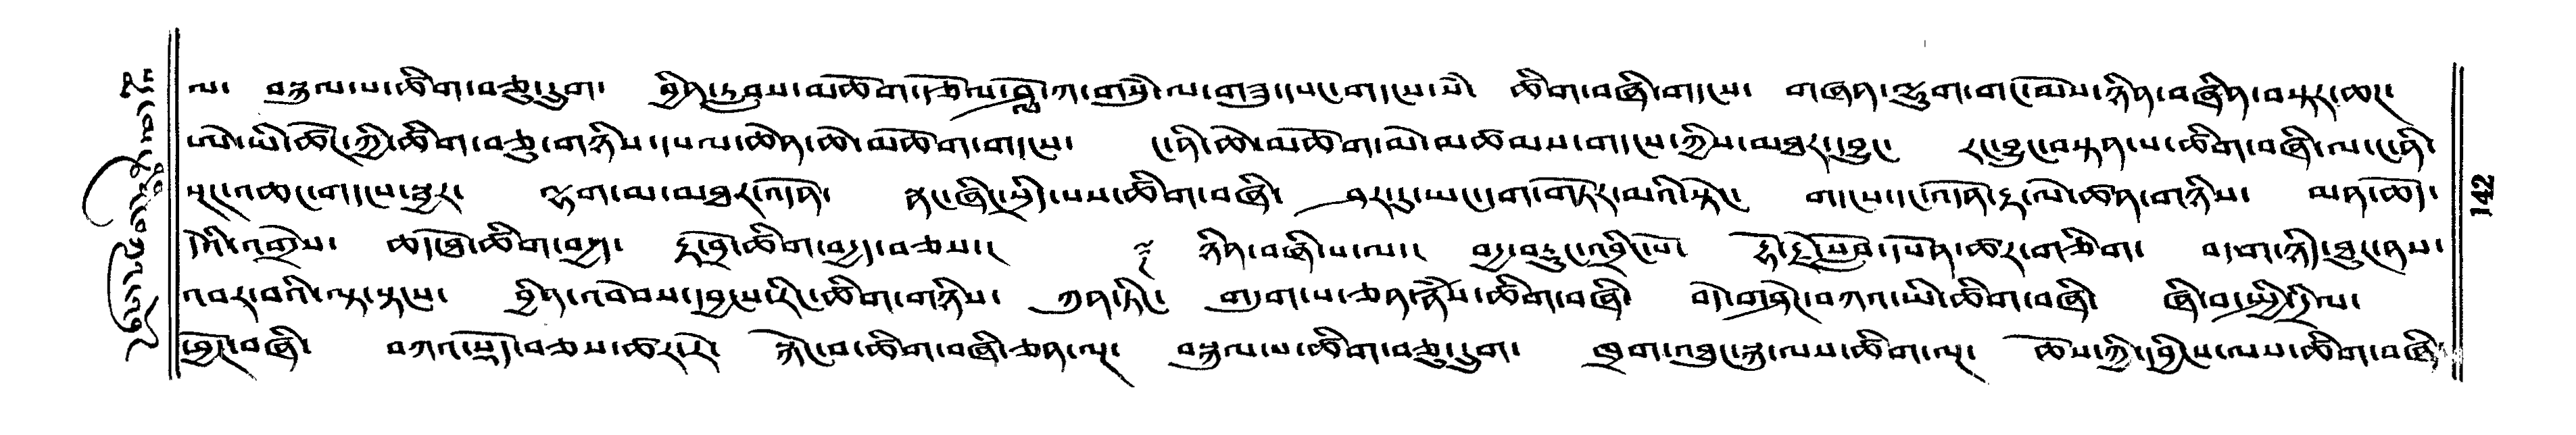ལ། སྐུལ་པ་ཚིག་བཅུ་དྲུག བྱིན་རླབས་མཆོག་སྩོལ༴ ཤོ་ལོ་ཀ་གསུམ་ལ་གཟུ་དཔང་གདངས་སམ། ཚིག་བཞི་གདངས། གཞན་ལྷུག་གང་མོས་ཉིན་བཞིན་བསྟར་ཆགས། 
ཨེ་ཡི་ཚོགས་ཀྱི༴ ཚིག་བཅུ་གཉིས། དཔལ་ཆེན་ཆེ་མཆོག༴ གདངས། ང་ནི་ཆེ་མཆོག༴ མེ་མཚམས་གདངས་ཀྱིས་མཐར་དབྱུང་། རང་བྱུང་བསྟན་པ༴ ཚིག་བཞི་ལ། ང་ནི་
སྔགས་འཆང༴ གདངས་སྦྱར། ལྷག་མ་མཐར་འདོན། སྣང་ཞིང་སྲིད་པས༴ ཚིག་བཞི། ཤར་དུ་ཡང་དག་གཏོར་མའི་སྟེང༔ གདངས་དང་འདོན་རྟ་ལེ་ཚན་གཉིས། མན་ཆོད་
དེའི་འགྲེས། ཆད་ཐོ་ཚིག་བརྒྱད། རྟ་བྲོ་ཚིག་བརྒྱད་བཅས། ༈ ཉིན་བཞི་པ་ལ། བརྒྱ་རྡུང་འབྲིང་པོ། རྡོ་རྗེ་སློབ་དཔོན༴ ཚར་གཅིག བདག་ཉིད་ཐུགས༴ ནས། 
འབར་བའི་ལྟ་སྟངས༴ བྱིན་འབེབས་དབྱངས་རིང་ཚིག་གཉིས། ཀུན་ཏིང་། གདུག་པ་ཅན་རྣམས༴ ཚིག་བཞི། བདེ་གཤེགས་བཀའ་ཡི༴ ཚིག་བཞི། ཞི་བ་སྤྱི་དྲིལ་
ཕྱོགས་བཞི། བཀའ་སྡོད་བཅས་ཚར་རེ། སྐོང་བ་ཚིག་བཞི་ཅན་ལྔ།སྐུལ་པ་ཚིག་བཅུ་དྲུག ཁྲག་འཐུང་སྐུ་ལས༴ ཚིག་ལྔ། ཆོས་ཀྱི་དབྱིངས་ལས༴ ཚིག་བཞི།